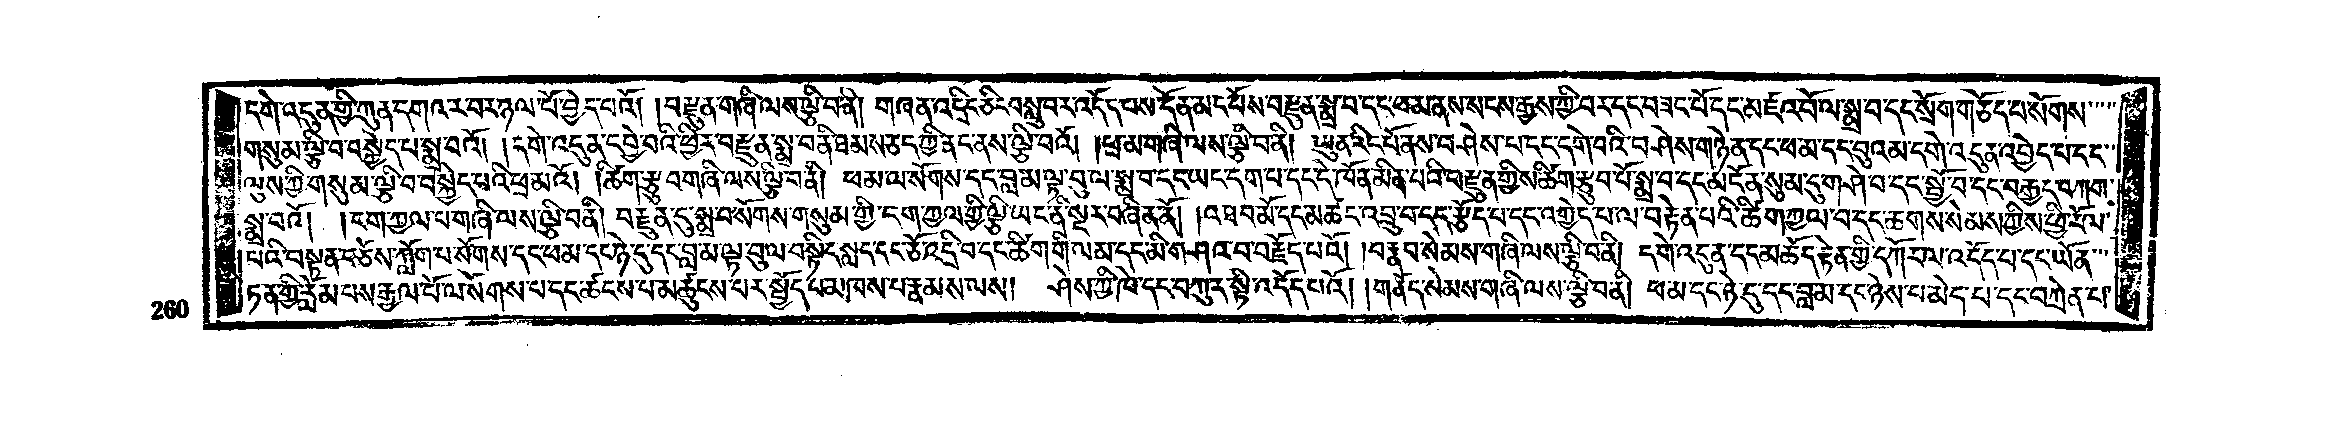དགེ་འདུན་གྱི་ཀུན་དགའ་ར་བར་ཉལ་པོ་བྱེད་པའོ། །བརྫུན་གཞི་ལས་ལྕི་བ་ནི། གཞན་འདྲིད་ཅིང་བསླུ་བར་འདོད་པས་དོན་མང་པོས་བརྫུན་སྨྲ་བ་དང་ཕ་མ་ནས་སངས་རྒྱས་ཀྱི་བར་དང་བཟང་པོ་དང་མཛའ་བོ་ལ་སྨྲ་བ་དང་སྲོག་གཅོད་པ་སོགས་
གསུམ་ལྕི་བ་བསྐྱེད་པ་སྨྲ་བའོ། །དགེ་འདུན་དབྱེ་བའི་ཕྱིར་བརྫུན་སྨྲ་བ་ནི་ཐམས་ཅད་ཀྱི་ནང་ནས་ལྕི་བའོ། །ཕྲ་མ་གཞི་ལས་ལྕི་བ་ནི། ཡུན་རིང་པོ་ནས་བཤེས་པ་དང་དགེ་བའི་བཤེས་གཉེན་དང་ཕ་མ་དང་བུའམ་དགེ་འདུན་འབྱེད་པ་དང་
ལུས་ཀྱི་གསུམ་ལྕི་བ་བསྐྱེད་པའི་ཕྲ་མའོ། །ཚིག་རྩུབ་གཞི་ལས་ལྕི་བ་ནི། ཕ་མ་ལ་སོགས་དང་བླ་མ་ལྟ་བུ་ལ་སྨྲ་བ་དང་ཡང་དག་པ་དང་དེ་ཁོ་ན་མིན་པའི་བརྫུན་གྱིས་ཚིག་རྩུབ་པོ་སྨྲ་བ་དང་མངོན་སུམ་དུ་གཤེ་བ་དང་སྤྱོ་བ་དང་བརྒྱད་བཀག་
སྨྲ་བའོ། །ངག་ཀྱལ་པ་གཞི་ལས་ལྕི་བ་ནི། བརྫུན་དུ་སྨྲ་བ་སོགས་གསུམ་གྱི་ངག་ཀྱལ་གྱི་ལྕི་ཡང་ནི་སྔར་བཞིན་ནོ། །འཐབ་མོ་དང་མཚང་འབྲུ་བ་དང་རྩོད་པ་དང་འགྱེད་པ་ལ་བརྟེན་པའི་ཚིག་ཀྱལ་པ་དང་ཆགས་སེམས་ཀྱིས་ཕྱི་རོལ་
པའི་བསྟན་བཅས་ཀློག་པ་སོགས་དང་ཕ་མ་དང་ཉེ་དུ་དང་བླ་མ་ལྟ་བུ་ལ་བསྟིང་སླད་དང་ཅོ་འདྲི་བ་དང་ཚིག་གི་ལམ་དང་མི་གཤའ་བ་བརྗོད་པའོ། །བརྣབ་སེམས་གཞི་ལས་ལྕི་བ་ནི། དགེ་འདུན་དང་མཆོད་རྟེན་གྱི་དཀོར་ལ་འདོད་པ་དང་ཡོན་
ཏན་གྱི་རློམ་པས་རྒྱལ་པོ་ལ་སོགས་པ་དང་ཚངས་པ་མཚུངས་པར་སྤྱོད་པ་མཁས་པ་རྣམས་ལས། ཤེས་ཀྱི་ཁེ་དང་བཀུར་སྟི་འདོད་པའོ། །གནོད་སེམས་གཞི་ལས་ལྕི་བ་ནི། ཕ་མ་དང་ཉེ་དུ་དང་བླ་མ་དང་ཉེས་པ་མེད་པ་དང་བཀྲེན་པ་